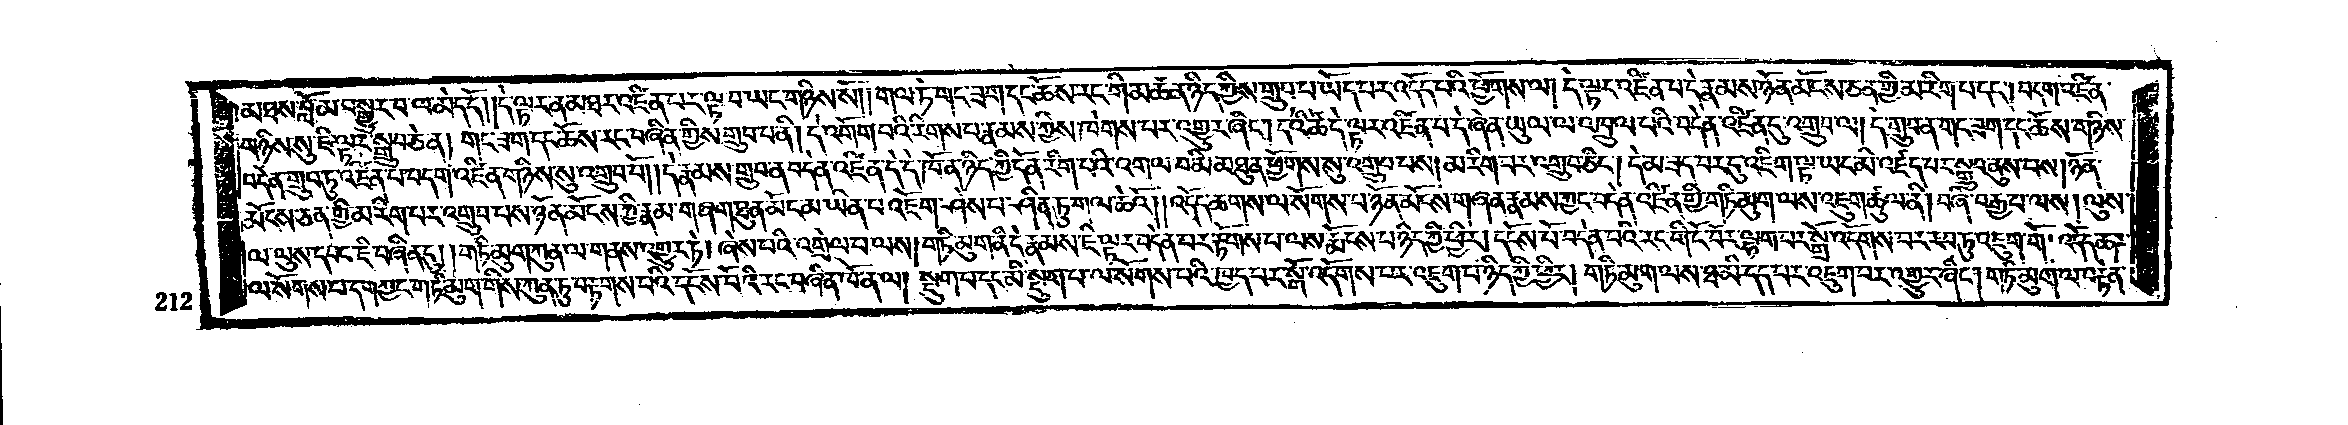མཐས་བློ་མ་བསྒྱུར་བ་ལ་མེད་དོ། །དེ་ལྟར་ན་མཐར་འཛིན་པར་ལྟ་བ་ཡང་གཉིས་སོ། །གལ་ཏེ་གང་ཟག་དང་ཆོས་རང་གི་མཚན་ཉིད་ཀྱིས་གྲུབ་པ་ཡོད་པར་འདོད་པའི་ཕྱོགས་ལ། དེ་ལྟར་འཛིན་པ་དེ་རྣམས་ཉོན་མོངས་ཅན་གྱི་མ་རིག་པ་དང་། བདག་འཛིན་
གཉིས་སུ་ཇི་ལྟར་སྒྲུབ་ཅེ་ན། གང་ཟག་དང་ཆོས་རང་བཞིན་གྱིས་གྲུབ་པ་ནི། དེ་འགོག་པའི་རིགས་པ་རྣམས་ཀྱིས་ཁེགས་པར་འགྱུར་ཞིང་། དེའི་ཚེ་དེ་ལྟར་འཛིན་པ་དེ་ཞེན་ཡུལ་ལ་འཁྲུལ་པའི་བདེན་འཛིན་དུ་འགྲུབ་ལ། དེ་གྲུབ་ན་གང་ཟག་དང་ཆོས་གཉིས་
བདེན་གྲུབ་ཏུ་འཛིན་པ་བདག་འཛིན་གཉིས་སུ་འགྲུབ་བོ། །དེ་རྣམས་གྲུབ་ན་བདེན་འཛིན་དེ་དེ་ཁོ་ན་ཉིད་ཀྱི་དོན་རིག་པའི་འགལ་བ་མི་མཐུན་ཕྱོགས་སུ་འགྲུབ་པས། མ་རིག་པར་འགྲུབ་ཅིང་། དེ་མ་ཟད་པར་དུ་འཇིག་ལྟ་ཡང་མི་འཛད་པར་སྒྲུབ་ནུས་པས། ཉོན་
མོངས་ཅན་གྱི་མ་རིག་པར་འགྲུབ་པས་ཉོན་མོངས་ཀྱི་རྣམ་གཞག་ཐུན་མོང་མ་ཡིན་པ་འཇོག་ཤེས་པ་ཤིན་ཏུ་གལ་ཆེའོ། །འདོད་ཆགས་ལ་སོགས་པ་ཉོན་མོངས་གཞན་རྣམས་ཀྱང་བདེན་འཛིན་གྱི་གཏི་མུག་ལས་འཇུག་ཚུལ་ནི། བཞི་བརྒྱ་པ་ལས། ལུས་
ལ་ལུས་དབང་ཇི་བཞིན་དུ། །གཏི་མུག་ཀུན་ལ་གནས་འགྱུར་ཏེ། ཞེས་པའི་འགྲེལ་པ་ལས། གཏི་མུག་ནི་དེ་རྣམས་ཇི་ལྟར་བདེན་པར་རྟོགས་པ་ལས་རྨོངས་པ་ཉིད་ཀྱི་ཕྱིར། དངོས་པོ་བདེན་པའི་རང་གི་ངོ་བོར་ལྷག་པར་སྒྲོ་འདོགས་པར་རབ་ཏུ་འཇུག་གོ །འདོད་ཆགས་
ལ་སོགས་པ་དག་ཀྱང་གཏི་མུག་གིས་ཀུན་ཏུ་བརྟགས་པའི་དངོས་པོའི་རང་བཞིན་ཁོ་ན་ལ། སྡུག་པ་དང་མི་སྡུག་པ་ལ་སོགས་པའི་ཁྱད་པར་སྒྲོ་འདོགས་པར་འཇུག་པ་ཉིད་ཀྱི་ཕྱིར། གཏི་མུག་ལས་ཐ་མི་དད་པར་འཇུག་པར་འགྱུར་ཞིང་། གཏི་མུག་ལ་བརྟེན་